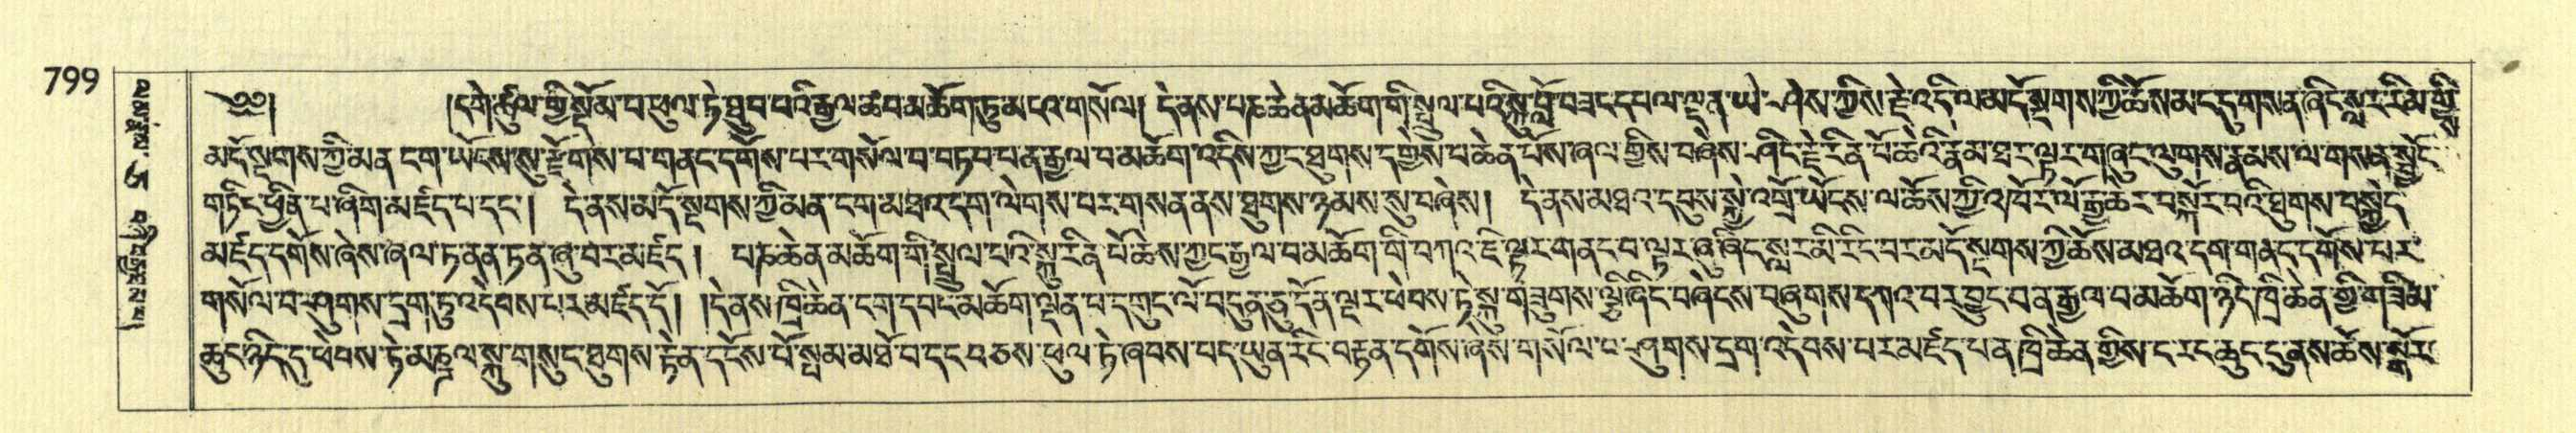༄༅། །དགེ་ཚུལ་གྱི་སྡོམ་པ་ཕུལ་ཏེ་ཐུབ་པའི་རྒྱལ་ཚབ་མཆོག་ཏུ་མངའ་གསོལ། དེ་ནས་པཎ་ཆེན་མཆོག་གི་སྤྲུལ་པའི་སྐུ་བློ་བཟང་དཔལ་ལྡན་ཡེ་ཤེས་ཀྱིས་རྗེ་འདི་ལ་མདོ་སྔགས་ཀྱི་ཆོས་མང་དུ་གསན་ཞིང་སླར་རིམ་གྱིས་
མདོ་སྔགས་ཀྱི་མན་ངག་ཡོངས་སུ་རྫོགས་པ་གནང་དགོས་པར་གསོལ་བ་བཏབ་པ་ན་རྒྱལ་བ་མཆོག་འདིས་ཀྱང་ཐུགས་དགྱེས་པ་ཆེན་པོས་ཞལ་གྱིས་བཞེས་ཤིང་རྗེ་རིན་པོ་ཆེའི་རྣམ་ཐར་ལྟར་གཞུང་ལུགས་རྣམས་ལ་གསན་སྦྱོང་
གཏིང་ཕྱིན་པ་ཞིག་མཛད་པ་དང་། དེ་ནས་མདོ་སྔགས་ཀྱི་མན་ངག་མཐའ་དག་ལེགས་པར་གསན་ནས་ཐུགས་ཉམས་སུ་བཞེས། དེ་ནས་མཐའ་དབུས་སྐྱེ་འགྲོ་ཡོངས་ལ་ཆོས་ཀྱི་འཁོར་ལོ་རྒྱ་ཆེར་བསྐོར་བའི་ཐུགས་བསྐྱེད་
མཛད་དགོས་ཞེས་ཞལ་ཏ་ནན་ཏན་ཞུ་བར་མཛད། པཎ་ཆེན་མཆོག་གི་སྤྲུལ་པའི་སྐུ་རིན་པོ་ཆེས་ཀྱང་རྒྱལ་བ་མཆོག་གི་བཀའ་ཇི་ལྟར་གནང་བ་ལྟར་ཞུ་ཞིང་སླར་མི་རིང་བར་མདོ་སྔགས་ཀྱི་ཆོས་མཐའ་དག་གནང་དགོས་པར་
གསོལ་བ་ཤུགས་དྲག་ཏུ་འདེབས་པར་མཛད་དོ། །དེ་ནས་ཁྲི་ཆེན་ངག་དབང་མཆོག་ལྡན་པ་དགུང་ལོ་བདུན་ཅུ་དོན་ལྔར་ཕེབས་ཏེ་སྐུ་གཟུགས་ལྕི་ཞིང་བཞེངས་བཞུགས་དཀའ་བར་བྱུང་བ་ན་རྒྱལ་བ་མཆོག་ཉིད་ཁྲི་ཆེན་གྱི་གཟིམ་
ཆུང་ཉིད་དུ་ཕེབས་ཏེ་མཎྜལ་སྐུ་གསུང་ཐུགས་རྟེན་དངོས་པོ་སྤམ་མཐོ་བ་དང་བཅས་ཕུལ་ཏེ་ཞབས་པད་ཡུན་རིང་བརྟན་དགོས་ཞེས་གསོལ་བ་ཤུགས་དྲག་འདེབས་པར་མཛད་པ་ན་ཁྲི་ཆེན་གྱིས་ང་རང་ཆུང་དུ་ནས་ཆོས་སྒོར་